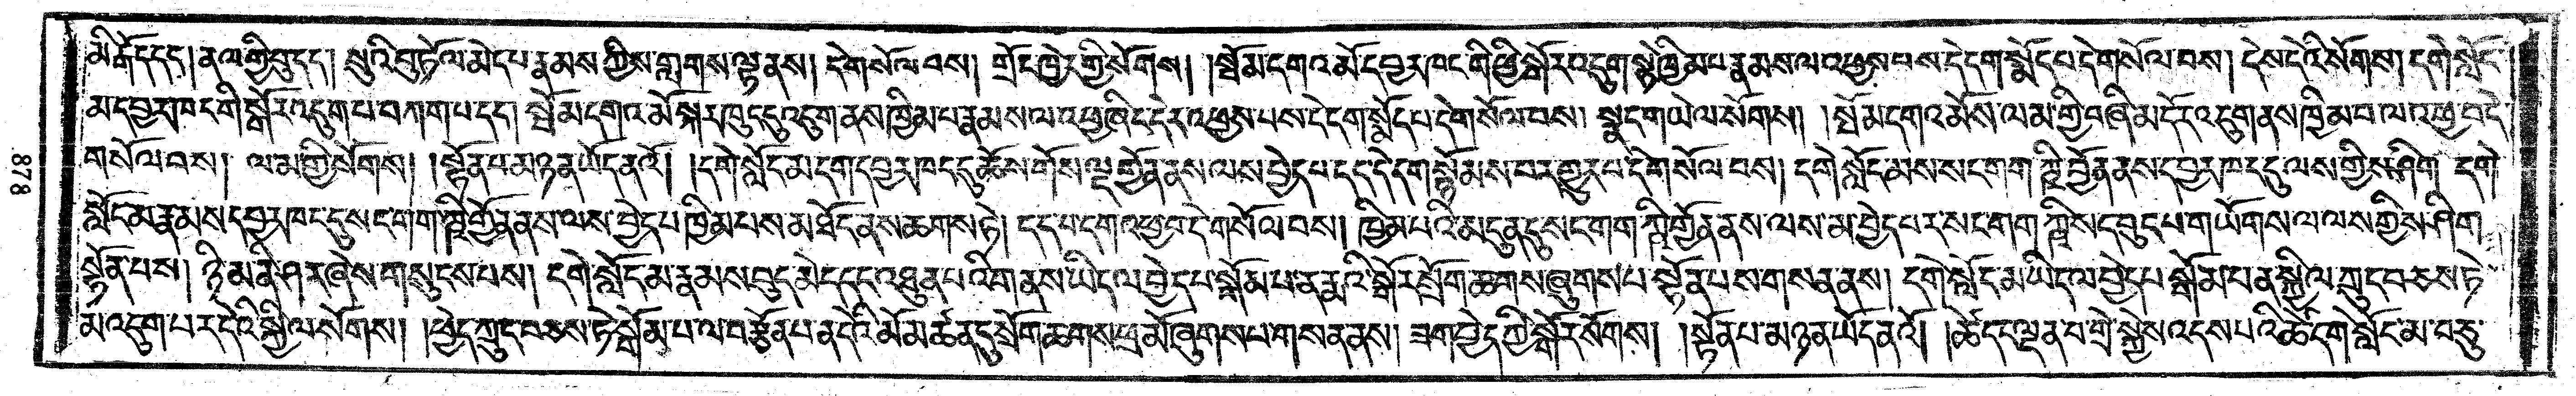མི་རྒོད་དང་། ནལ་གྱི་བུ་དད། སུའི་བུ་ཏོལ་མེད་པ་རྣམས་ཀྱིས་གླགས་ལྟ་ནས། དེ་གསོལ་བས། གྲོང་ཁྱེར་གྱི་སོགས། །སྦོམ་དགའ་མོ་དབྱར་ཁང་གི་ཕྱི་སྒོར་འདུག་སྟེ་ཁྱིམ་པ་རྣམས་ལ་འཕྱས་པས་དེ་དག་སྨོད་པ་དེ་གསོལ་བས། དེས་དེའི་སོགས། དགེ་སློང་
མ་དབྱར་ཁང་གི་སྒོར་འདུག་པ་བཀག་པ་དང་། སྦོམ་དགའ་མོ་སྐར་ཁུང་དུ་འདུག་ནས་ཁྱིམ་པ་རྣམས་ལ་འཕྱ་ཞིང་དེར་འཕྱས་པས་དེ་དག་སྨོད་པ་དེ་གསོལ་བས། སྣང་གཡེལ་སོགས། །སྤོམ་དགའ་མོས་ལམ་གྱི་བཞི་མདོར་འདུག་ནས་ཁྱིམ་པ་ལ་འཕྱ་བདེ་
གསོལ་བས། ལ་མ་གྱི་སོགས། །སྟོན་པ་མཉན་ཡོད་ནའོ། །དགེ་སློང་མ་དག་དབྱར་ཁང་དུ་ཆོས་གོས་ལྔ་གྱོན་ནས་ལས་བྱེད་པ་དད་དེ་དག་སྙོམས་པར་གྱུར་པ་དེ་གསོལ་བས། དགེ་སློང་མས་སང་གག་ཀྵི་བྱོན་ནས་དབྱར་ཁང་དུ་ལས་གྱིས་ཤིག་དགེ་
སློང་མ་རྣམས་དབྱར་ཁང་དུ་སང་གག་ཀྵི་གྱོན་ནས་ལས་བྱེད་པ་ཁྱིམ་པས་མཐོང་ནས་ཆགས་ཏེ། དད་པ་དག་འཕྱ་བ་དེ་གསོལ་བས། ཁྱིམ་པའི་མདུན་དུ་སང་གག་ཀྵི་གྱོན་ནས་ལས་མ་བྱེད་པར་སང་གག་ཀྵིས་དབུང་པ་གཡོགས་ལ་ལས་གྱིས་ཤིག་
སྟོན་པས། ཉི་མ་ནི་ཤར་ཞེས་གསུངས་པས། དགེ་སློང་མ་རྣམས་བུད་མེད་དང་འཐུན་པའི་གནས་ཡིད་ལ་བྱེད་པ་སྒོམ་པ་ནརྨའི་སྒོར་སྲོག་ཆགས་ཞུགས་པ་སྟོན་པས་གསན་ནས། དགེ་སློང་མ་ཡིད་ལ་བྱེད་པ་སྒོམ་པན་སྐྱིལ་ཀྲུང་བཅས་ཏེ་
མ་འདུག་པར་དེའི་སྐྱིལ་སོགས། །ཕྱེད་ཀྲུད་བཅས་ཏེ་སྒོམ་པ་ལ་བརྩོན་པ་ན་དེའི་མོ་མཚན་དུ་སྲོག་ཆགས་ཕྲ་མོ་ཞུགས་པ་གསན་ནས། ཟག་བྱེད་ཀྱི་སྒོར་སོགས། །སྟོན་པ་མཉན་ཡོད་ནའོ། །ཚེ་དང་ལྡན་པ་གྲེ་སྐྱེས་འདས་པའི་ཚེ་དགེ་སློང་མ་བཅུ་